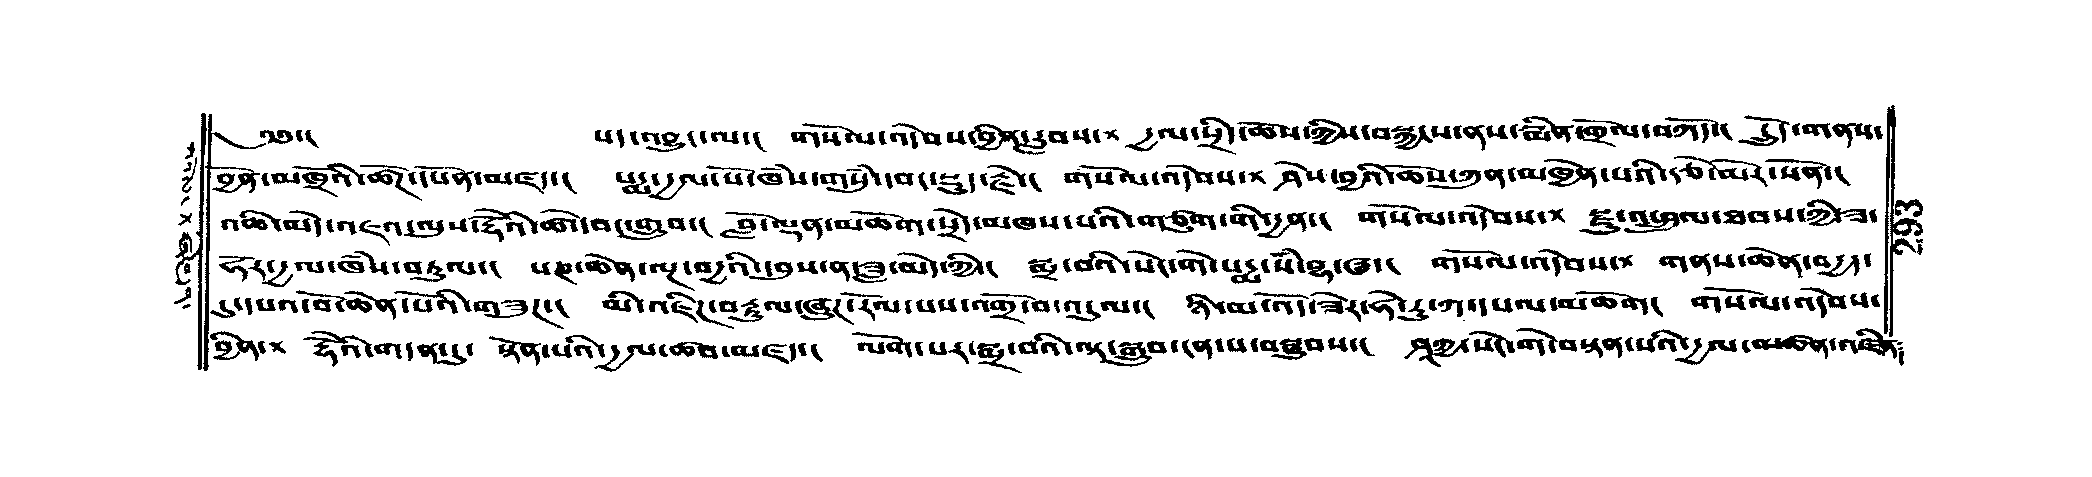པད་འབྱུང་ལ། །གསོལ་འདེབས་བྱིན་རླབས༴ །རྒྱལ་སྲིད་ཆོས་ཀྱིས་བསྐྱངས་ནས་སྨིན་གྲོལ་བཀོད། །དུར་ཁྲོད་གནས་
བྱིན་མཁའ་འགྲོའི་ཚོགས་དཔོན་མཛད། །པདྨ་རྒྱལ་པོ་ཁམས་གསུམ་དབང་སྡུད་རྗེ། །གསོལ་འདེབས༴ །ཤེས་བྱའི་ཆོས་ཀུན་མཁྱེན་པའི་རྩེ་མོར་སོན། །
འཆི་མེད་འཇའ་ལུས་རྡོ་རྗེའི་ཚེ་དབང་གྲུབ། །བློ་ལྡན་མཆོག་སྲེད་མཁས་པའི་གཙུག་གི་རྒྱན། །གསོལ་འདེབས༴ །རྫུ་འཕྲུལ་ཐབས་ཀྱིས་ཟ་
ཧོར་རྒྱལ་ཁམས་བཏུལ། །པཎ་ཆེན་ལྔ་བརྒྱའི་དབུས་ན་ཟླ་མེད་ཀྱི། །སྨྲ་བའི་སེང་གེ་པདྨ་སམ་བྷ་ཝ། །གསོལ་འདེབས༴།གནས་ཆེན་བརྒྱད་
དུ་དཔའ་བོ་ཆེན་པོའི་གཟུགས། །མི་འཇིགས་བརྟུལ་ཞུགས་རོལ་པས་འགྲོ་བ་འདུལ། །ཉི་མ་འོད་ཟེར་ཧེ་རུ་ཀཿདཔལ་མཆོག །གསོལ་འདེབས་
བྱིན༴ །རྡོ་རྗེའི་གདན་དུ་སྟོན་པའི་རྒྱལ་ཚབ་མཛད། །ལོག་པར་སྨྲ་བའི་ལྟ་སྒྲུབ་ངན་པ་བསྣུབས། །ཤཱཀྱ་སེང་གེ་བསྟན་པའི་རྒྱལ་མཚན་འཛིན།